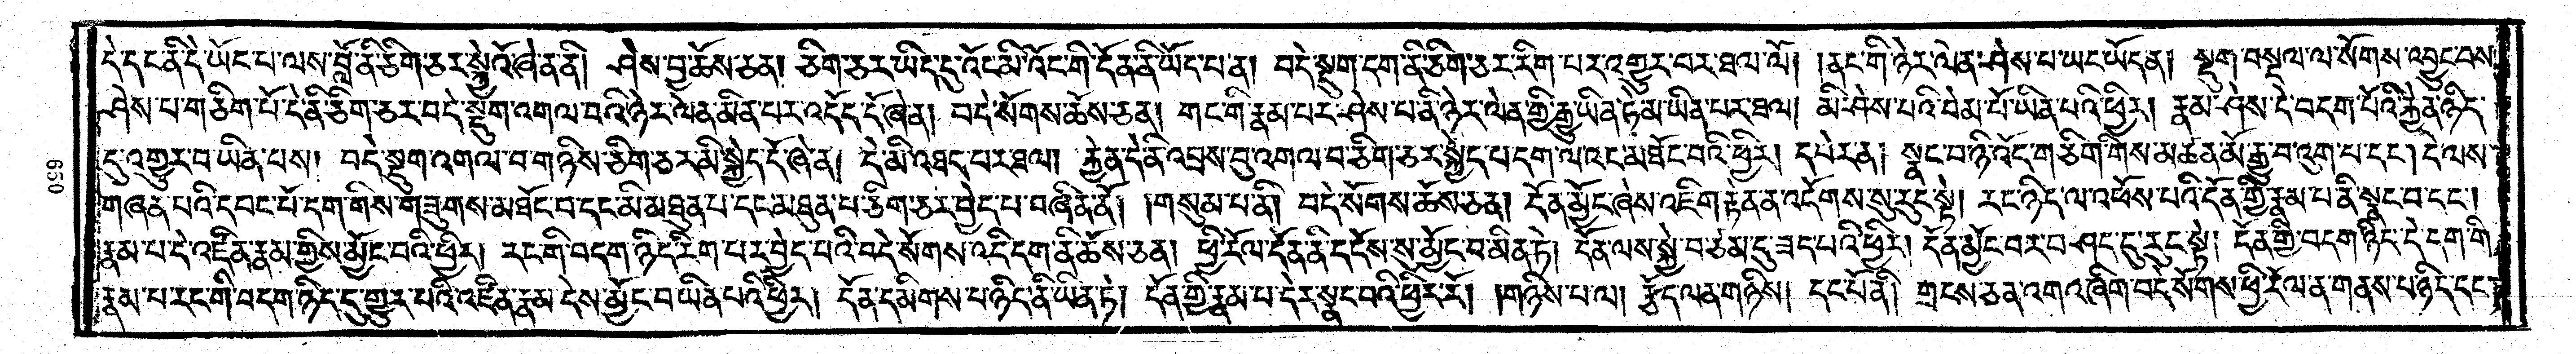དེ་དང་ནི་དེ་ཡོང་པ་ལས་བློ་ནི་ཅིག་ཅར་སྐྱེའོ་ཞེ་ན་ནི། ཤེས་བྱ་ཆོས་ཅན། ཅིག་ཅར་ཡིད་དུ་འོང་མི་འོང་གི་དོན་ནི་ཡོད་པ་ན། བདེ་སྡུག་དག་ནི་ཅིག་ཅར་རིག་པར་འགྱུར་བར་ཐལ་ལོ། །ནང་གི་ཉེར་ལེན་ཤེས་པ་ཡང་ཡོད་ན། སྡུག་བསྔལ་ལ་སོགས་འབྱུང་བས་
ཤེས་པ་གཅིག་པོ་དེ་ནི་ཅིག་ཅར་བདེ་སྡུག་འགལ་བའི་ཉེར་ལེན་མིན་པར་འདོད་དོ་ཞེ་ན། བདེ་སོགས་ཆོས་ཅན། གང་གི་རྣམ་པར་ཤེས་པ་ནི་ཉེར་ལེན་གྱི་རྒྱུ་ཡིན་ཏེ་མ་ཡིན་པར་ཐལ། མི་ཤེས་པའི་བེམ་པོ་ཡིན་པའི་ཕྱིར། རྣམ་ཤེས་དེ་བདག་པོའི་རྐྱེན་ཉིད་
དུ་འགྱུར་བ་ཡིན་པས། བདེ་སྡུག་འགལ་བ་གཉིས་ཅིག་ཅར་མི་སྐྱེད་དོ་ཞེ་ན། དེ་མི་འཐད་པར་ཐལ། རྐྱེན་དེ་ནི་འབྲས་བུ་འགལ་བ་ཅིག་ཅར་སྐྱེད་པ་དག་ལའང་མཐོང་བའི་ཕྱིར། དཔེར་ན། སྣང་བ་ཉི་འོད་གཅིག་གིས་མཚན་མོ་རྒྱུ་བ་འུག་པ་དང་། དེ་ལས་
གཞན་པའི་དབང་པོ་དག་གིས་གཟུགས་མཐོང་བ་དང་མི་མཐུན་པ་དང་མཐུན་པ་ཅིག་ཅར་བྱེད་པ་བཞིན་ནོ། །གསུམ་པ་ནི། བདེ་སོགས་ཆོས་ཅན། དོན་མྱོང་ཞེས་འཇིག་རྟེན་ན་འདོགས་སུ་རུང་སྟེ། རང་ཉིད་ལ་འཕོས་པའི་དོན་གྱི་རྣམ་པ་ནི་སྣང་བ་དང་།
རྣམ་པ་དེ་འཛིན་རྣམ་གྱིས་མྱོང་བའི་ཕྱིར། རང་གི་བདག་ཉིད་རིག་པར་བྱེད་པའི་བདེ་སོགས་འདི་དག་ནི་ཆོས་ཅན། ཕྱི་རོལ་དོན་ནི་དངོས་སུ་མྱོང་བ་མིན་ཏེ། དོན་ལས་སྐྱེ་བ་ཙམ་དུ་ཟད་པའི་ཕྱིར། དོན་མྱོང་བར་བཤད་དུ་རུང་སྟེ། དོན་གྱི་བདག་ཉིད་དེ་དག་གི་
རྣམ་པ་རང་གི་བདག་ཉིད་དུ་གྱུར་པའི་འཛིན་རྣམ་དེས་མྱོང་བ་ཡིན་པའི་ཕྱིར། དོན་དམིགས་པ་ཉིད་ནི་ཡིན་ཏེ། དོན་གྱི་རྣམ་པ་དེར་སྣང་བའི་ཕྱིར་རོ། །གཉིས་པ་ལ། རྩོད་ལན་གཉིས། དང་པོ་ནི། གྲངས་ཅན་འགའ་ཞིག་བདེ་སོགས་ཕྱི་རོལ་ན་གནས་པ་ཉིད་དང་